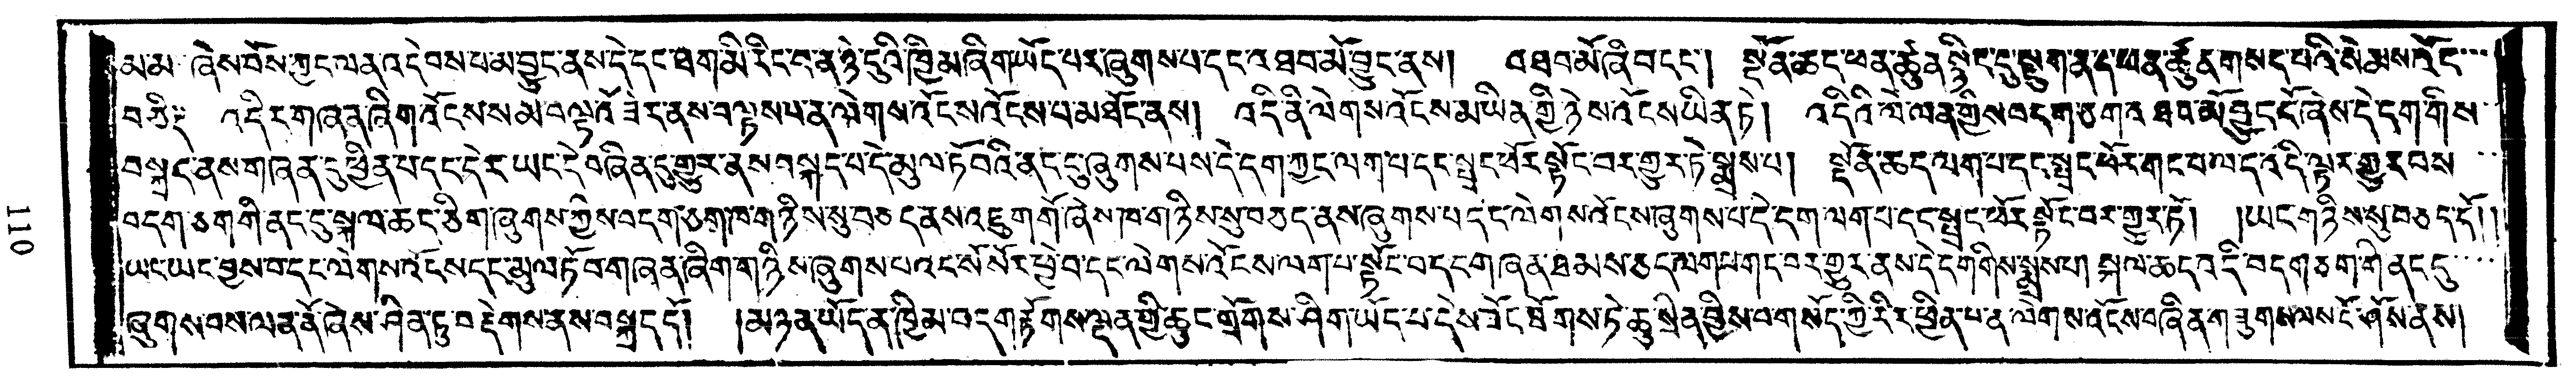མ་མ་ཞེས་བོས་ཀྱང་ལན་འདེབས་པ་མ་བྱུང་ནས་དེ་དང་ཐག་མི་རིང་བ་ན་ཉེ་དུའི་ཁྱིམ་ཞིག་ཡོད་པར་ཞུགས་པ་དང་འཐབ་མོ་བྱུང་ནས། འཐབ་མོ་ཞི་བ་དང་། སྔོན་ཆད་ཕན་ཚུན་སྙིང་དུ་སྡུག་ན་ད་ཕན་ཚུན་གསད་པའི་སེམས་འོང་
བ་ཅི༑ འདིར་གཞན་ཞིག་འོངས་སམ་བལྟ་འོ་ཟེར་ནས་བལྟས་པ་ན་ལེགས་འོངས་འོངས་པ་མཐོང་ནས། འདི་ནི་ལེགས་འོངས་མ་ཡིན་གྱི་ཉེས་འོངས་ཡིན་ཏེ། འདིའི་ལེ་ལན་གྱིས་བདག་ཅག་འཐབ་མོ་བྱུང་ངོ་ཞེས་དེ་དག་གིས་
བསྐྲད་ནས་གཞན་དུ་ཕྱིན་པ་དང་དེར་ཡང་དེ་བཞིན་དུ་གྱུར་ནས་བསྐད་པ་དེ་མུལ་ཏོ་བའི་ནང་དུ་ཞུགས་པས་དེ་དག་ཀྱང་ལག་པ་དང་སྦྲང་ཕོར་སྟོང་བར་གྱུར་ཏེ་སྨྲས་པ། སྔོན་ཆད་ལག་པ་དང་སྤྲང་ཕོར་གང་བ་ལ་ད་འདི་ལྟར་གྱུར་བས་
བདག་ཅག་གི་ནང་དུ་སྐལ་ཆད་ཅིག་ཞུགས་ཀྱིས་བདག་ཅག་ཁ་གཉིས་སུ་བཅད་ནས་འཇུག་གོ་ཞེས་ཁ་གཉིས་སུ་བཅད་ནས་ཞུགས་པ་དང་ལེགས་འོངས་ཞུགས་པ་དེ་དག་ལག་པ་དང་སྤྲང་ཕོར་སྟོང་བར་གྱུར་ཏོ། །ཡང་གཉིས་སུ་བཅད་དོ།།
ཡང་ཡང་བྱས་པ་དང་ལེགས་འོངས་དང་མུལ་ཏོ་བ་གཞན་ཞིག་གཉིས་ཞུགས་པའང་སོ་སོར་ཕྱེ་བ་དང་ལེགས་འོངས་ལག་པ་སྟོང་པ་དང་གཞན་ཐམས་ཅད་ལག་པ་གང་བར་གྱུར་ནས་དེ་དག་གིས་སྨྲས་པ། སྐལ་ཆད་འདི་བདག་ཅག་གི་ནང་དུ་
ཞུགས་བས་ལན་ནོ་ཞེས་ཤིན་ཏུ་བརྡེགས་ནས་བསྐྲད་དོ། །མཉན་ཡོད་ན་ཁྱིམ་བདག་རྟོགས་ལྡན་གྱི་ཆུང་གྲོགས་ཤིག་ཡོད་པ་དེས་ཟོང་ཐོགས་ཏེ་ཆུ་སྲིན་བྱིས་པ་གསོད་ཀྱི་རིར་ཕྱིན་པ་ན་ལེགས་འོངས་བཞིན་གཟུགས་ལས་ངོ་ཤོས་ནས།